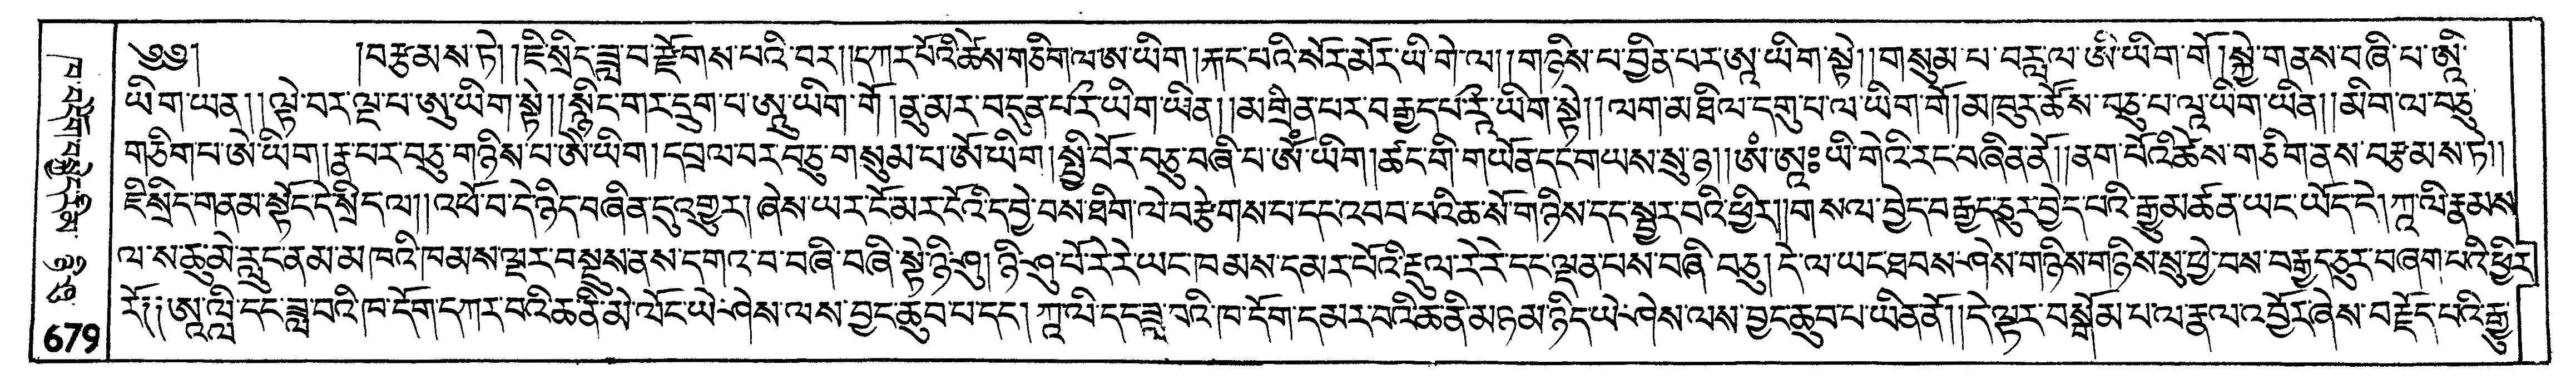༄༅། །བརྩམས་ཏེ། །ཇི་སྲིད་ཟླ་བ་རྫོགས་པའི་བར། །དཀར་པོའི་ཚེས་གཅིག་ལ་ཨ་ཡིག །རྐང་པའི་སོར་མོར་ཡི་གེ་ལ། །གཉིས་པ་བྱིན་པར་ཨཱ་ཡིག་སྟེ། །གསུམ་པ་བརླ་ལ་ཨི་ཡིག་གོ །སྐྱེ་གནས་བཞི་པ་ཨཱི་
ཡིག་ཡན། །ལྟེ་བར་ལྔ་པ་ཨུ་ཡིག་སྟེ། །སྙིང་གར་དྲུག་པ་ཨཱུ་ཡིག་གོ །ནུ་མར་བདུན་པ་རྀ་ཡིག་ཡིན། །མགྲིན་པར་བརྒྱད་པ་རཱྀ་ཡིག་སྟེ། །ལག་མཐིལ་དགུ་པ་ལ་ཡིག་གོ །མཁུར་ཚོས་བཅུ་པ་ལཱ་ཡིག་ཡིན། །མིག་ལ་བཅུ་
གཅིག་པ་ཨེ་ཡིག །རྣ་པར་བཅུ་གཉིས་པ་ཨཻ་ཡིག །དཔྲལ་བར་བཅུ་གསུམ་པ་ཨོ་ཡིག །སྤྱི་བོར་བཅུ་བཞི་པ་ཨོཾ་ཡིག །ཚང་གི་གཡོན་དང་གཡས་སུ་ཉ། །ཨཾ་ཨཱཿ ཡི་གེའི་རང་བཞིན་ནོ། །ནག་པོའི་ཚེས་གཅིག་ནས་བརྩམས་ཏེ། །
ཇི་སྲིད་གནམ་སྟོང་དེ་སྲིད་ལ། །འཕོ་བ་དེ་ཉིད་བཞིན་དུ་འགྱུར། ཞེས་ཡར་ངོ་མར་ངོའི་དབྱེ་བས་ཐིག་ལེ་བརྩེགས་པ་དང་འབབ་པའི་ཆ་སོ་གཉིས་དང་སྦྱར་བའི་ཕྱིར། །གསལ་བྱེད་བརྒྱད་ཅུར་བྱེད་པའི་རྒྱུ་མཚན་ཡང་ཡོད་དེ། ཀཱ་ལི་རྣམས་
ལ་ས་ཆུ་མེ་རླུང་ནམ་མཁའི་ཁམས་ལྔར་བསྡུས་ནས་དགའ་བ་བཞི་བཞི་སྟེ་ཉི་ཤུ། ཉི་ཤུ་པོ་རེ་རེ་ཡང་ཁམས་དམར་པོའི་རྡུལ་རེ་རེ་དང་ལྡན་པས་བཞི་བཅུ། དེ་ལ་ཡང་ཐབས་ཤེས་གཉིས་སུ་ཕྱེ་བས་བརྒྱད་ཅུར་བཞག་པའི་ཕྱིར་
རོ༑ ༑ཨཱ་ལླཱི་དང་ཟླ་བའི་ཁ་དོག་དཀར་བའི་ཆ་ནི་མེ་ལོང་ཡེ་ཤེས་ལས་བྱང་ཆུབ་པ་དང་། ཀཱ་ལི་དང་ཟླ་བའི་ཁ་དོག་དམར་བའི་ཆ་ནི་མཉམ་ཉིད་ཡེ་ཤེས་ལས་བྱང་ཆུབ་པ་ཡིན་ནོ། །དེ་ལྟར་བསྒོམ་པ་ལ་རྣལ་འབྱོར་ཞེས་བརྗོད་པའི་རྒྱུ་